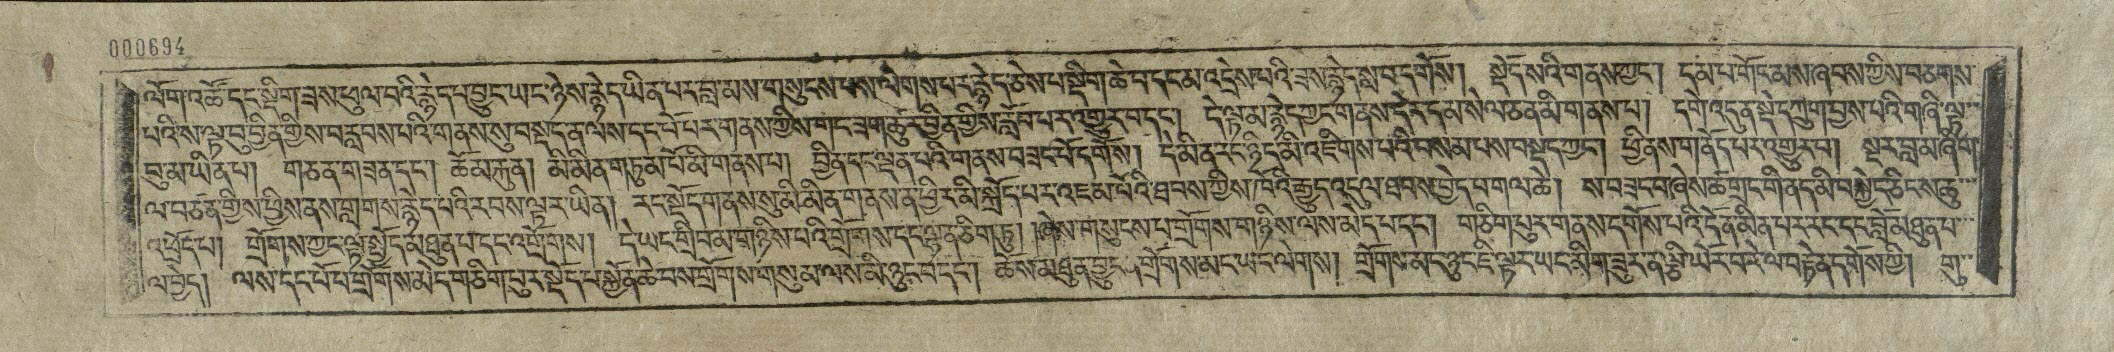ལོག་འཚོ་དང་སྡིག་ཟས་ཕུལ་བའི་རྙེད་པ་བྱུང་ཡང་ཉེས་རྙེད་ཡིན་པར་བླ་མས་གསུངས་པས་ལེགས་པར་རྙེད་ཅེས་པ་སྡིག་ཆེ་བ་དང་མ་འདྲེས་པའི་ཟས་རྙེད་སླ་བ་དགོས། སྡོད་སའི་གནས་ཀྱང་། དམ་པ་གོང་མས་ཞབས་ཀྱིས་བཅགས་
པའི་ས་ལྟ་བུ་བྱིན་གྱིས་བརླབས་པའི་གནས་སུ་བསྡད་ན་ལས་དང་པོ་པར་གནས་ཀྱིས་གང་ཟག་ཚུར་བྱིན་གྱིས་རློབ་པར་འགྱུར་བ་དང་། དེ་ལྟ་མ་རྙེད་ཀྱང་གནས་དེར་དམ་སེལ་ཅན་མི་གནས་པ། དགེ་འདུན་སྡེ་དཀྲུག་བྱས་པའི་གཞི་ལྟ་
བུ་མ་ཡིན་པ། གཅན་གཟན་དང་། ཆོམ་རྐུན། མི་མིན་གཏུམ་པོ་མི་གནས་པ། བྱིན་དང་ལྡན་པའི་གནས་བཟང་པོ་དགོས། དེ་མིན་རང་ཉིད་མི་འཇིགས་པའི་བསམ་པས་བསྡད་ཀྱང་། ཕྱི་ནས་གནོད་པར་འགྱུར་བ། སྔར་བླ་མ་ཞིག་
ལ་བཙན་གྱིས་ཕྱིས་ནས་གླགས་རྙེད་པའི་རབས་ལྟར་ཡིན། རང་སྡོད་གནས་སུ་མི་མིན་གནས་ན་ཕྱིར་མི་སྐྲོད་པར་འཇམ་པོའི་ཐབས་ཀྱིས་ཁོའི་རྒྱུད་འདུལ་ཐབས་བྱེད་པ་གལ་ཆེ། ས་བཟང་བ་ཞེས་ཚ་གྲང་གི་ནད་མི་བསྐྱེད་ཅིང་ས་ཆུ་
འཕྲོད་པ། གྲོགས་ཀྱང་ལྟ་སྤྱོད་མཐུན་པ་དང་འགྲོགས། དེ་ཡང་གྲིབ་མ་གཉིས་པའི་གྲོགས་དང་ལྷན་ཅིག་ཏུ། །ཞེས་གསུངས་པ་གྲོགས་གཉིས་ལས་མེད་པ་དང་། གཅིག་པུར་གནས་དགོས་པའི་དོན་མིན་པར་རང་དང་བློ་མཐུན་པ་
ལ་བྱེད། ལས་དང་པོ་པ་གྲོགས་མེད་གཅིག་པུར་སྡོད་པ་སྐྱོན་ཆེ་བས་གྲོགས་གསུམ་ལས་མི་ཉུང་བ་དང་། ཆོས་མཐུན་བྱུང་ན་གྲོགས་མང་ཡང་ལེགས། གྲོགས་མང་ཉུང་ཇི་ལྟར་ཡང་མིག་ཟུར་ན་ལྕི་ཡོར་བ་རེ་ལ་བརྟེན་དགོས་ཀྱི། གུ་